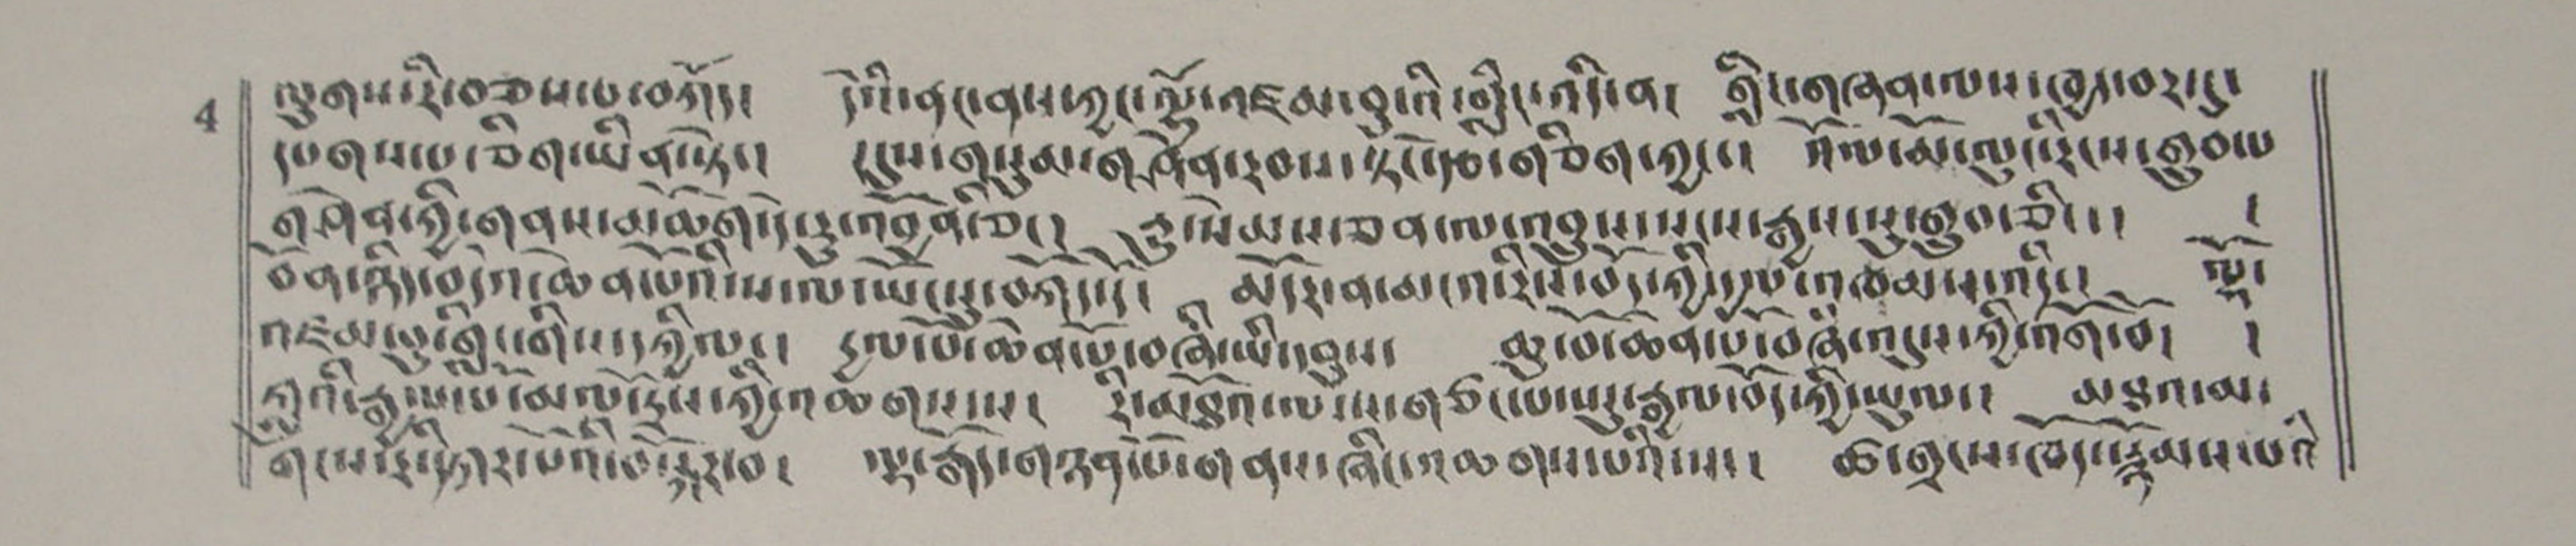ལྕགས་རི་བཅས་པ་བཀོད། དེའི་ནང་ནས་ཀྱང་ལྷོ་འཛམ་བུའི་གླིང་འདི་ནི། གླིང་གཞན་ལས་ཁྱད་པར་དུ་
དཔགས་པ་ཅིག་ཡིན་ཏེ། དུས་གསུམ་གཤེན་རབས་སྟོང་རྩ་གཅིག་ཀྱང་། འོལ་མོ་ལུང་རིང་གྲུབ་པ་
གཤེན་གྱི་གནས་མཆོག་དེ་རུ་འབྱོན་ཞིང་། རྒྱུ་སེམས་ཅན་ལ་འབྲས་བུ་སངས་རྒྱས་སུ་གྲུབ་ཅིང་། 
བོན་ཉིད་བདེའི་ཆེན་པོའི་ས་ལ་ཡོངས་སུ་བཀོད་དོ། །མདོར་ན་མངའ་རིས་བོད་ཀྱི་རྒྱལ་ཁམས་འདི། ལྷོ་
འཛམ་བུ་གླིང་གི་དཀྱིལ། རྒྱལ་བོ་ཆེན་པོ་བཞི་ཡི་དབུས། ཆུ་བོ་ཆེན་པོ་བཞི་འདུས་ཀྱི་འགོ་བོ། 
ཀླུའི་རྒྱལ་བོ་མལ་དྲོས་ཀྱི་འཆགས་ས། རི་མཐོའ་ལ་ས་གཙང་བ་སྤུ་རྒྱལ་བོད་ཀྱི་ཡུལ། མཐའ་མ་
གངས་རི་དཀར་པོས་བསྐོར་བ། ལྷ་རྒོད་གཉན་པོ་གནས་ཤིང་འཆགས་པའི་ས། ཚ་གྲང་ཁོད་སྙོམས་པའི་